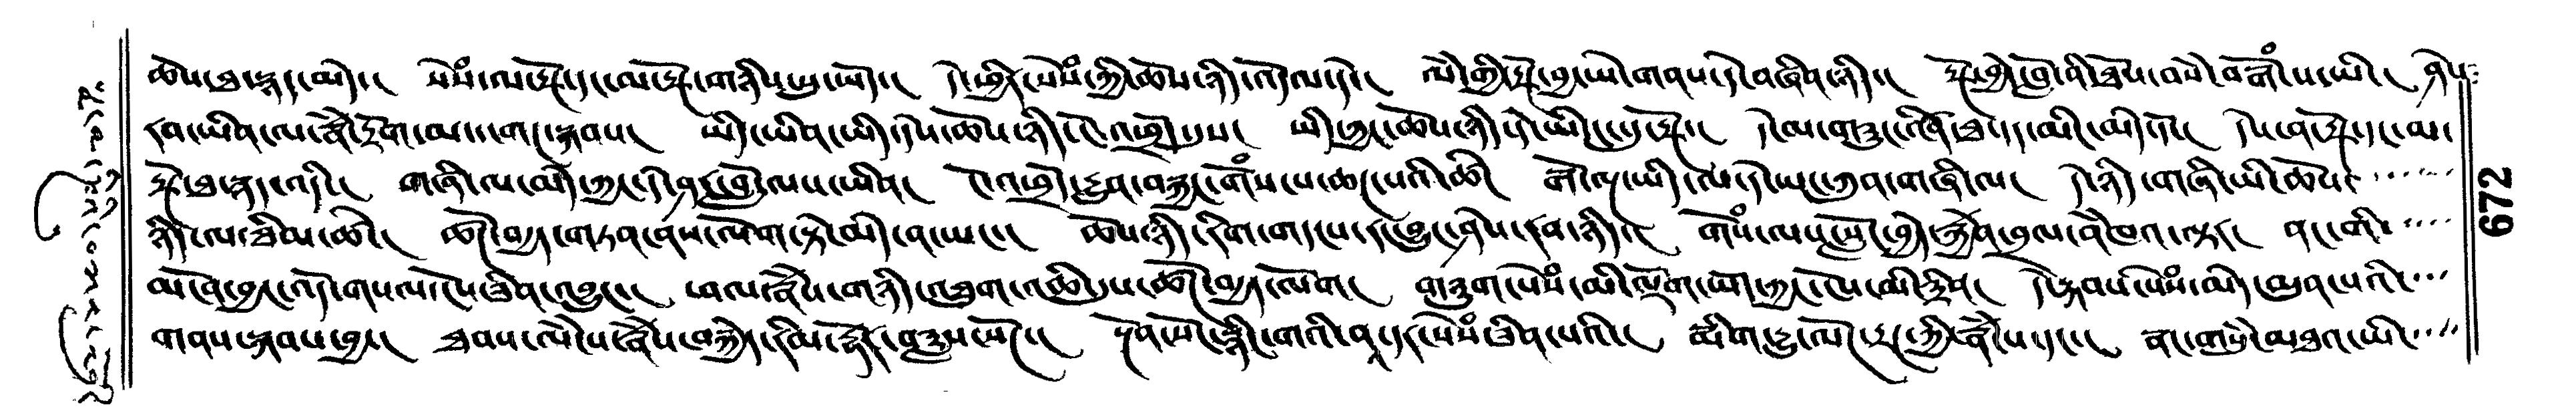ཆོས་ཐ་སྙད་མེད། །སེམས་ལ་རྟོགས་དང་མ་རྟོགས་གཉིས་སུ་ཡོད། །དེ་ཕྱིར་སེམས་ཀྱི་ཆོས་ཉིད་འོད་གསལ་དེ། །ལམ་གྱི་རྟོགས་བྱ་ཡེ་གནས་དེ་བཞིན་ཉིད། །རྟོགས་བྱེད་བློ་ནི་ཐོས་བསམ་བསྒོམ་པ་ཡི། །ཤེས་
རབ་ཡིན་ལ་རྣམ་རྟོག་མ་འགགས་སྐབས། །ཡིད་ཡིན་ཡིད་དེས་ཆོས་ཉིད་ངོ་འཕྲོད་དུས། །ཡིད་ཀྱང་ཆོས་ཉིད་དེ་ཡི་ངང་དུ་རྟོགས། །དེ་ལ་གཟུང་འཛིན་ཐ་དད་མིང་མེད་དོ། །དེས་ན་རྟོགས་དང་མ་
རྟོགས་ཐ་སྙད་འདི། །གཞི་ལ་མེད་ཀྱང་དེ་ཤར་བློ་ལས་ཡིན། །ངོ་འཕྲོད་རྒྱུན་བསྐྱང་གོམས་པ་ཆགས་པའི་ཚེ། །སྒོ་ལྔ་ཡིད་ལ་དེ་ཡང་ཀུན་གཞི་ལ། །དེ་ཉིད་གཞི་ཡི་ཆོས་
ཉིད་ལ་ཐིམ་ཚེ། །ཚོགས་བརྒྱད་གཏན་ནས་ལོག་སྟེ་མེད་ན་ཡང་། །ཆོས་ཉིད་རིག་གདངས་རང་བྱུང་ཤེས་རབ་ཉིད། །གོམས་ལས་སློང་བྱེད་རྐྱེན་བྲལ་ནམ་མཁའ་ལྟར། །ནང་གི་
མངོན་བྱང་འོད་གསལ་ངོས་ཟིན་འབྱུང་། །ཕལ་རྣམས་གཉིད་འཐུག་འཆི་དུས་ཚོགས་བརྒྱད་ལོག གཉུག་སེམས་མི་ལྡོག་ཡོད་ཀྱང་ངོས་མི་ཟིན། །དེ་སྐབས་སེམས་མེད་མུན་པའི་
གནས་སྐབས་བྱ། །ཐབས་ལམ་པ་རྣམས་བསྐྱེད་རིམ་རྡོར་བཟླས་སོགས། །སྔོན་པོ་སྙིང་གའི་ནཱ་དར་སེམས་ཟིན་པའི། །སྨིག་རྒྱུ་ལ་སོགས་རྟགས་ཀྱི་རྣམ་པ་དང་། །སྣང་གསུམ་མཐའ་ཡི་